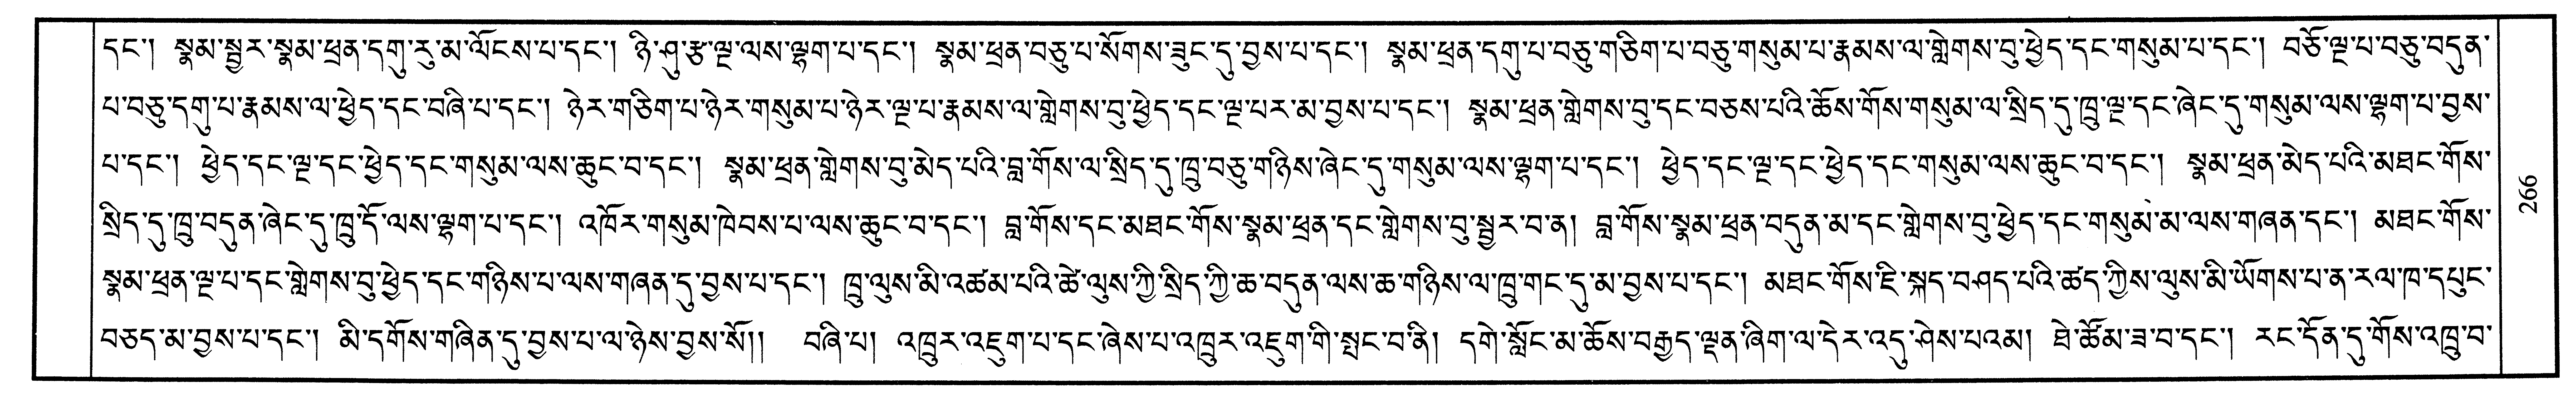དང་། སྣམ་སྦྱར་སྣམ་ཕྲན་དགུ་རུ་མ་ལོངས་པ་དང་། ཉི་ཤུ་རྩ་ལྔ་ལས་ལྷག་པ་དང་། སྣམ་ཕྲན་བཅུ་པ་སོགས་ཟུང་དུ་བྱས་པ་དང་། སྣམ་ཕྲན་དགུ་པ་བཅུ་གཅིག་པ་བཅུ་གསུམ་པ་རྣམས་ལ་གླེགས་བུ་ཕྱེད་དང་གསུམ་པ་དང་། བཅོ་ལྔ་པ་བཅུ་བདུན་
པ་བཅུ་དགུ་པ་རྣམས་ལ་ཕྱེད་དང་བཞི་པ་དང་། ཉེར་གཅིག་པ་ཉེར་གསུམ་པ་ཉེར་ལྔ་པ་རྣམས་ལ་གླེགས་བུ་ཕྱེད་དང་ལྔ་པར་མ་བྱས་པ་དང་། སྣམ་ཕྲན་གླེགས་བུ་དང་བཅས་པའི་ཆོས་གོས་གསུམ་ལ་སྲིད་དུ་ཁྲུ་ལྔ་དང་ཞེང་དུ་གསུམ་ལས་ལྷག་པ་བྱས་
པ་དང་། ཕྱེད་དང་ལྔ་དང་ཕྱེད་དང་གསུམ་ལས་ཆུང་བ་དང་། སྣམ་ཕྲན་གླེགས་བུ་མེད་པའི་བླ་གོས་ལ་སྲིད་དུ་ཁྲུ་བཅུ་གཉིས་ཞེང་དུ་གསུམ་ལས་ལྷག་པ་དང་། ཕྱེད་དང་ལྔ་དང་ཕྱེད་དང་གསུམ་ལས་ཆུང་བ་དང་། སྣམ་ཕྲན་མེད་པའི་མཐང་གོས་
སྲིད་དུ་ཁྲུ་བདུན་ཞེང་དུ་ཁྲུ་དོ་ལས་ལྷག་པ་དང་། འཁོར་གསུམ་ཁེབས་པ་ལས་ཆུང་བ་དང་། བླ་གོས་དང་མཐང་གོས་སྣམ་ཕྲན་དང་གླེགས་བུ་སྦྱར་བ་ན། བླ་གོས་སྣམ་ཕྲན་བདུན་མ་དང་གླེགས་བུ་ཕྱེད་དང་གསུམ་མ་ལས་གཞན་དང་། མཐང་གོས་
སྣམ་ཕྲན་ལྔ་པ་དང་གླེགས་བུ་ཕྱེད་དང་གཉིས་པ་ལས་གཞན་དུ་བྱས་པ་དང་། ཁྲུ་ལུས་མི་འཚམ་པའི་ཚེ་ལུས་ཀྱི་སྲིད་ཀྱི་ཆ་བདུན་ལས་ཆ་གཉིས་ལ་ཁྲུ་གང་དུ་མ་བྱས་པ་དང་། མཐང་གོས་ཇི་སྐད་བཤད་པའི་ཚད་ཀྱིས་ལུས་མི་ཡོགས་པ་ན་རལ་ཁ་དཔུང་
བཅད་མ་བྱས་པ་དང་། མི་དགོས་གཞིན་དུ་བྱས་པ་ལ་ཉེས་བྱས་སོ།། བཞི་པ། འཁྲུར་འཇུག་པ་དང་ཞེས་པ་འཁྲུར་འཇུག་གི་སྤང་བ་ནི། དགེ་སློང་མ་ཆོས་བརྒྱད་ལྡན་ཞིག་ལ་དེར་འདུ་ཤེས་པའམ། ཐེ་ཚོམ་ཟ་བ་དང་། རང་དོན་དུ་གོས་འཁྲུ་བ་